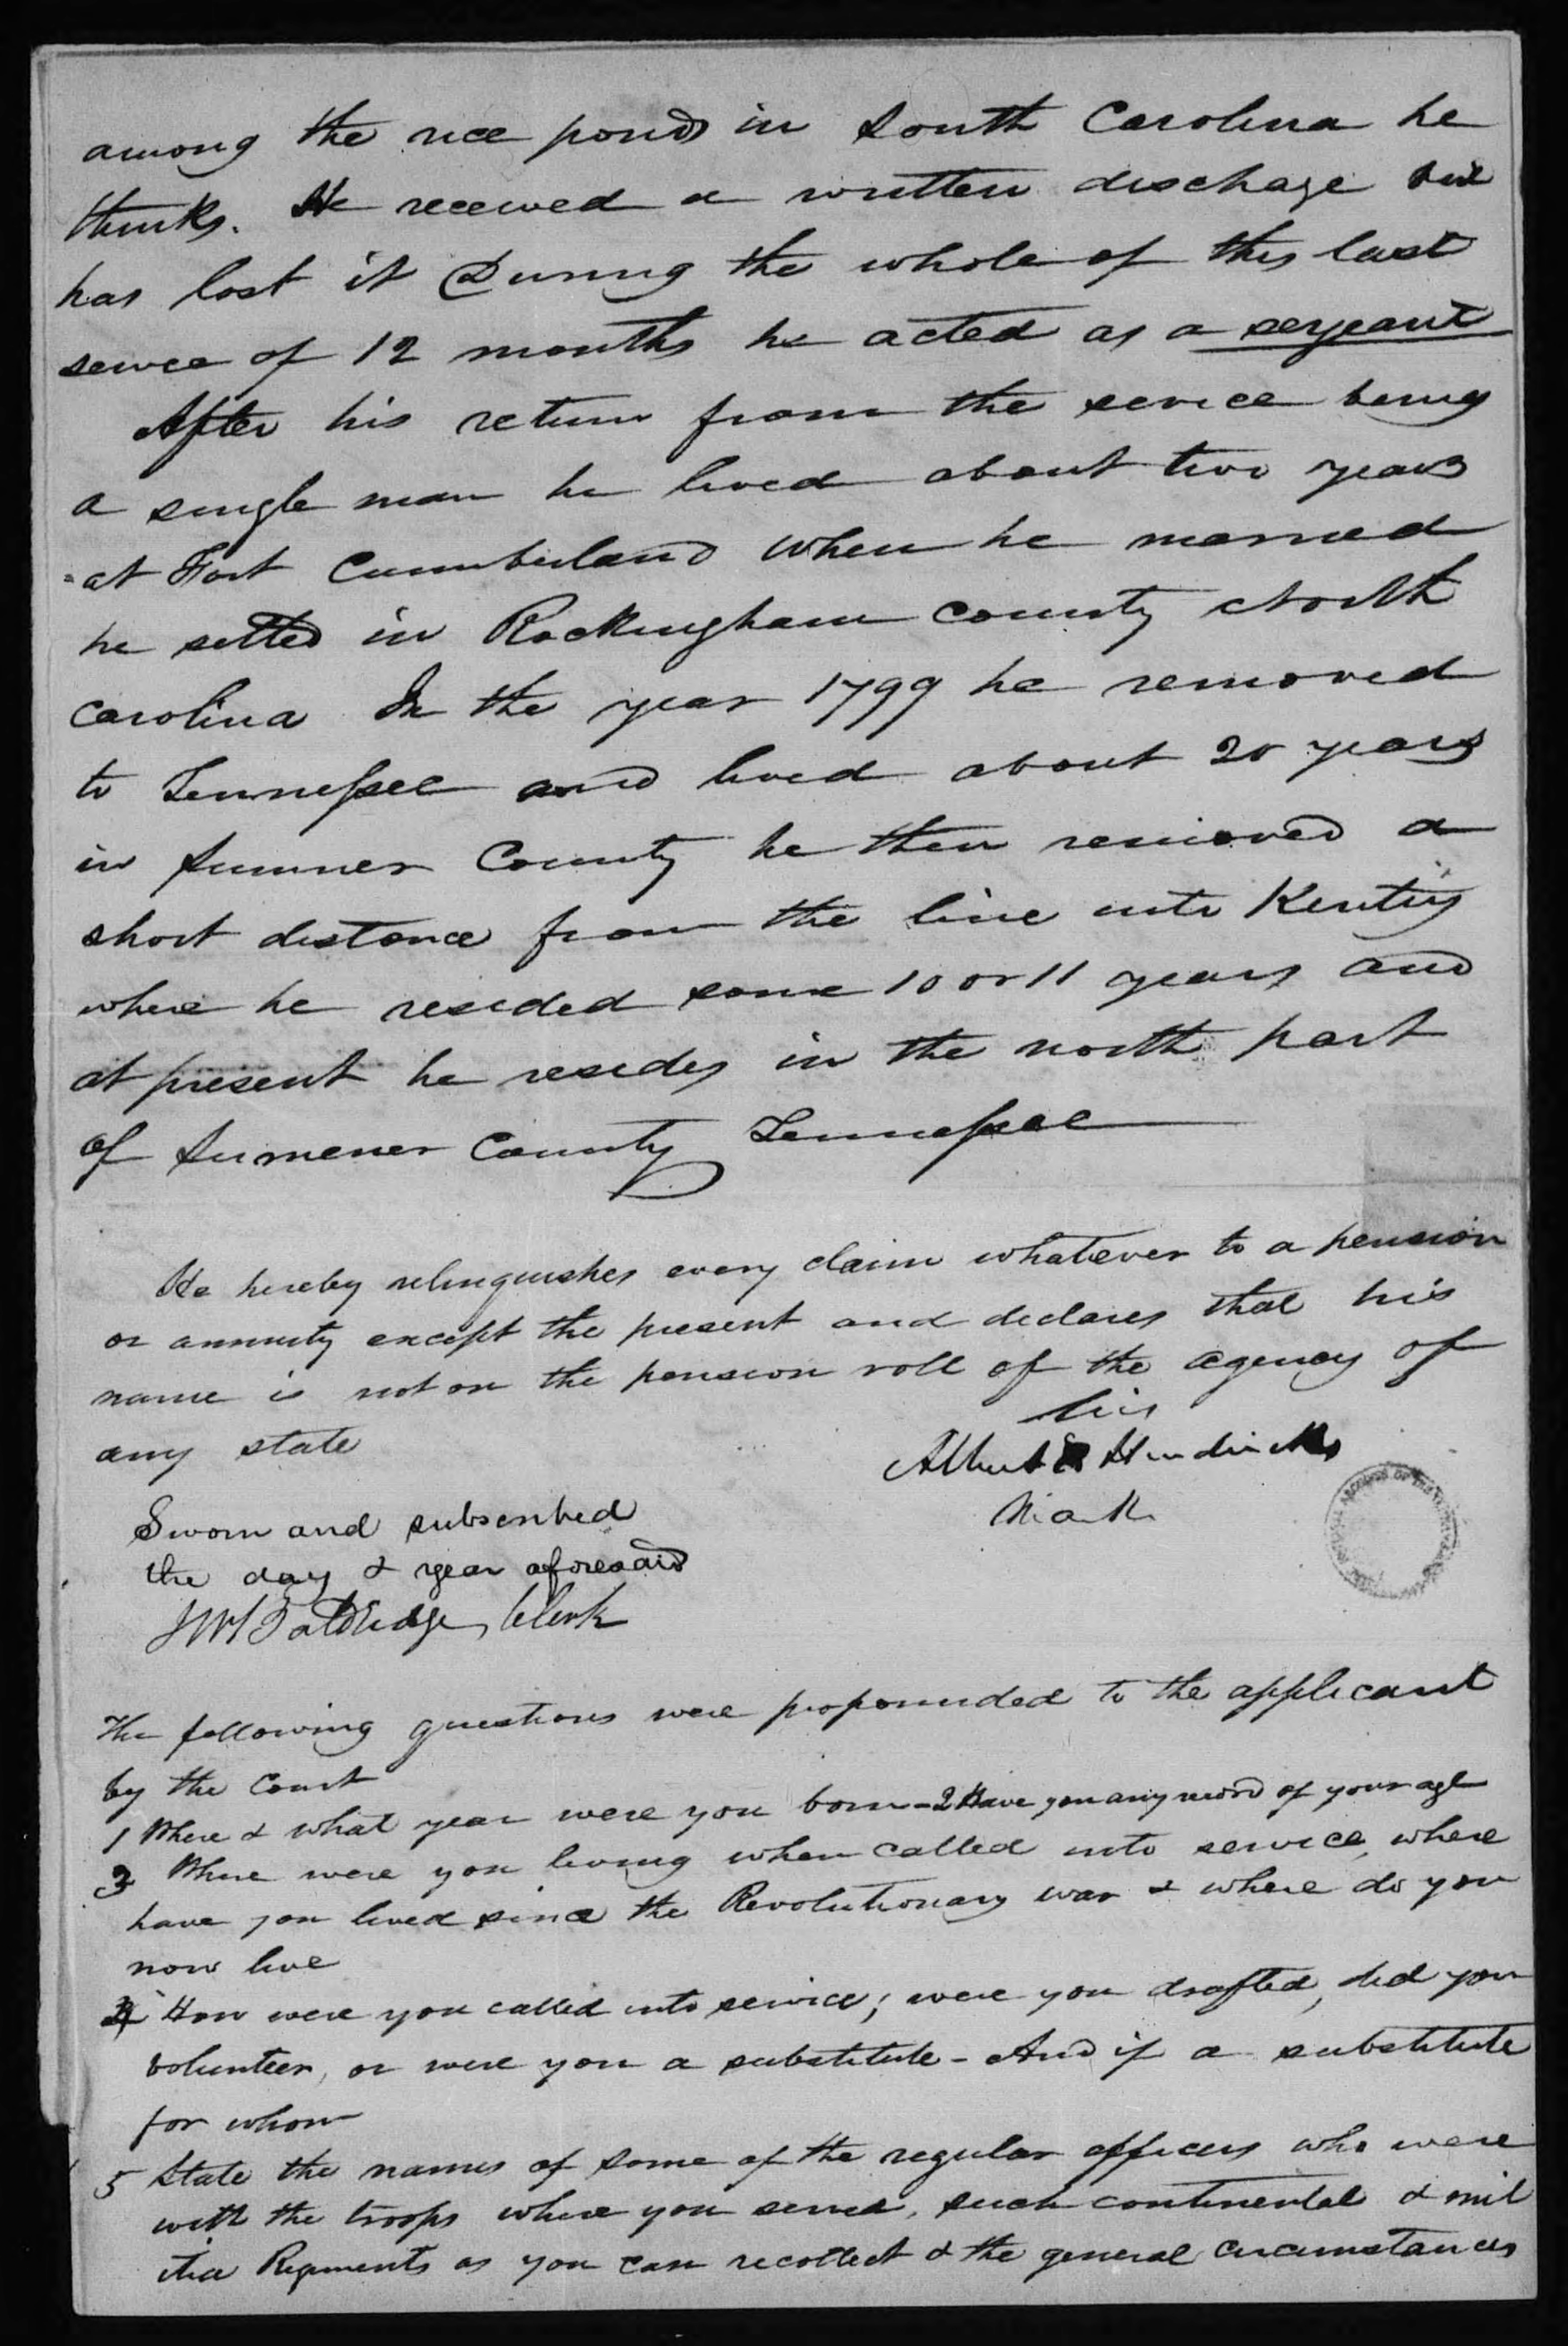among the rice ponds in South Carolina he thinks.  He received a written discharge but has lost it.  During the whole of this last service of 12 months he acted as a sergeant.
After he returned from the service being a single man he lived about two years at Fort Cumberland where he married.  He settled in Rockingham County North Carolina.  In the year 1799 he removed to Tennessee and lived about 20 years in Sumner County.  He then removed a short distance from the line with Kentucky where he resided some 10 or 11 years and at present he resides in the north part of Sumner County Tennessee.
He hereby relinquishes every claim whatever to a pension or annuity except the present and declares that his name is not on the pension roll of the agency of any state.
Albert Hendricks his mark X  [illegible stamp]
Sworn and subscribed the day & year aforesaid J. W. Baldridge, Clerk
The following questions were propounded to the applicant by the Court:
1 Where & what year were you born & have you any record of your age?
3.  Where were you living when called into service, where have you lived since the Revolutionary war & where do you now live?
4.  How were you called into service; were you drafted, did you volunteer, or were you a substitute - and if a substitute for whom?
5.  State the names of some of the regular officers who were with the troops where you served, such continental & militia regiments as you can recollect & the general circumstances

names: J W Baldridge, Albert Hendricks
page: 15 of 76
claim: widow's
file: W. 83, Albert Hendricks, Continental Md. N.C.